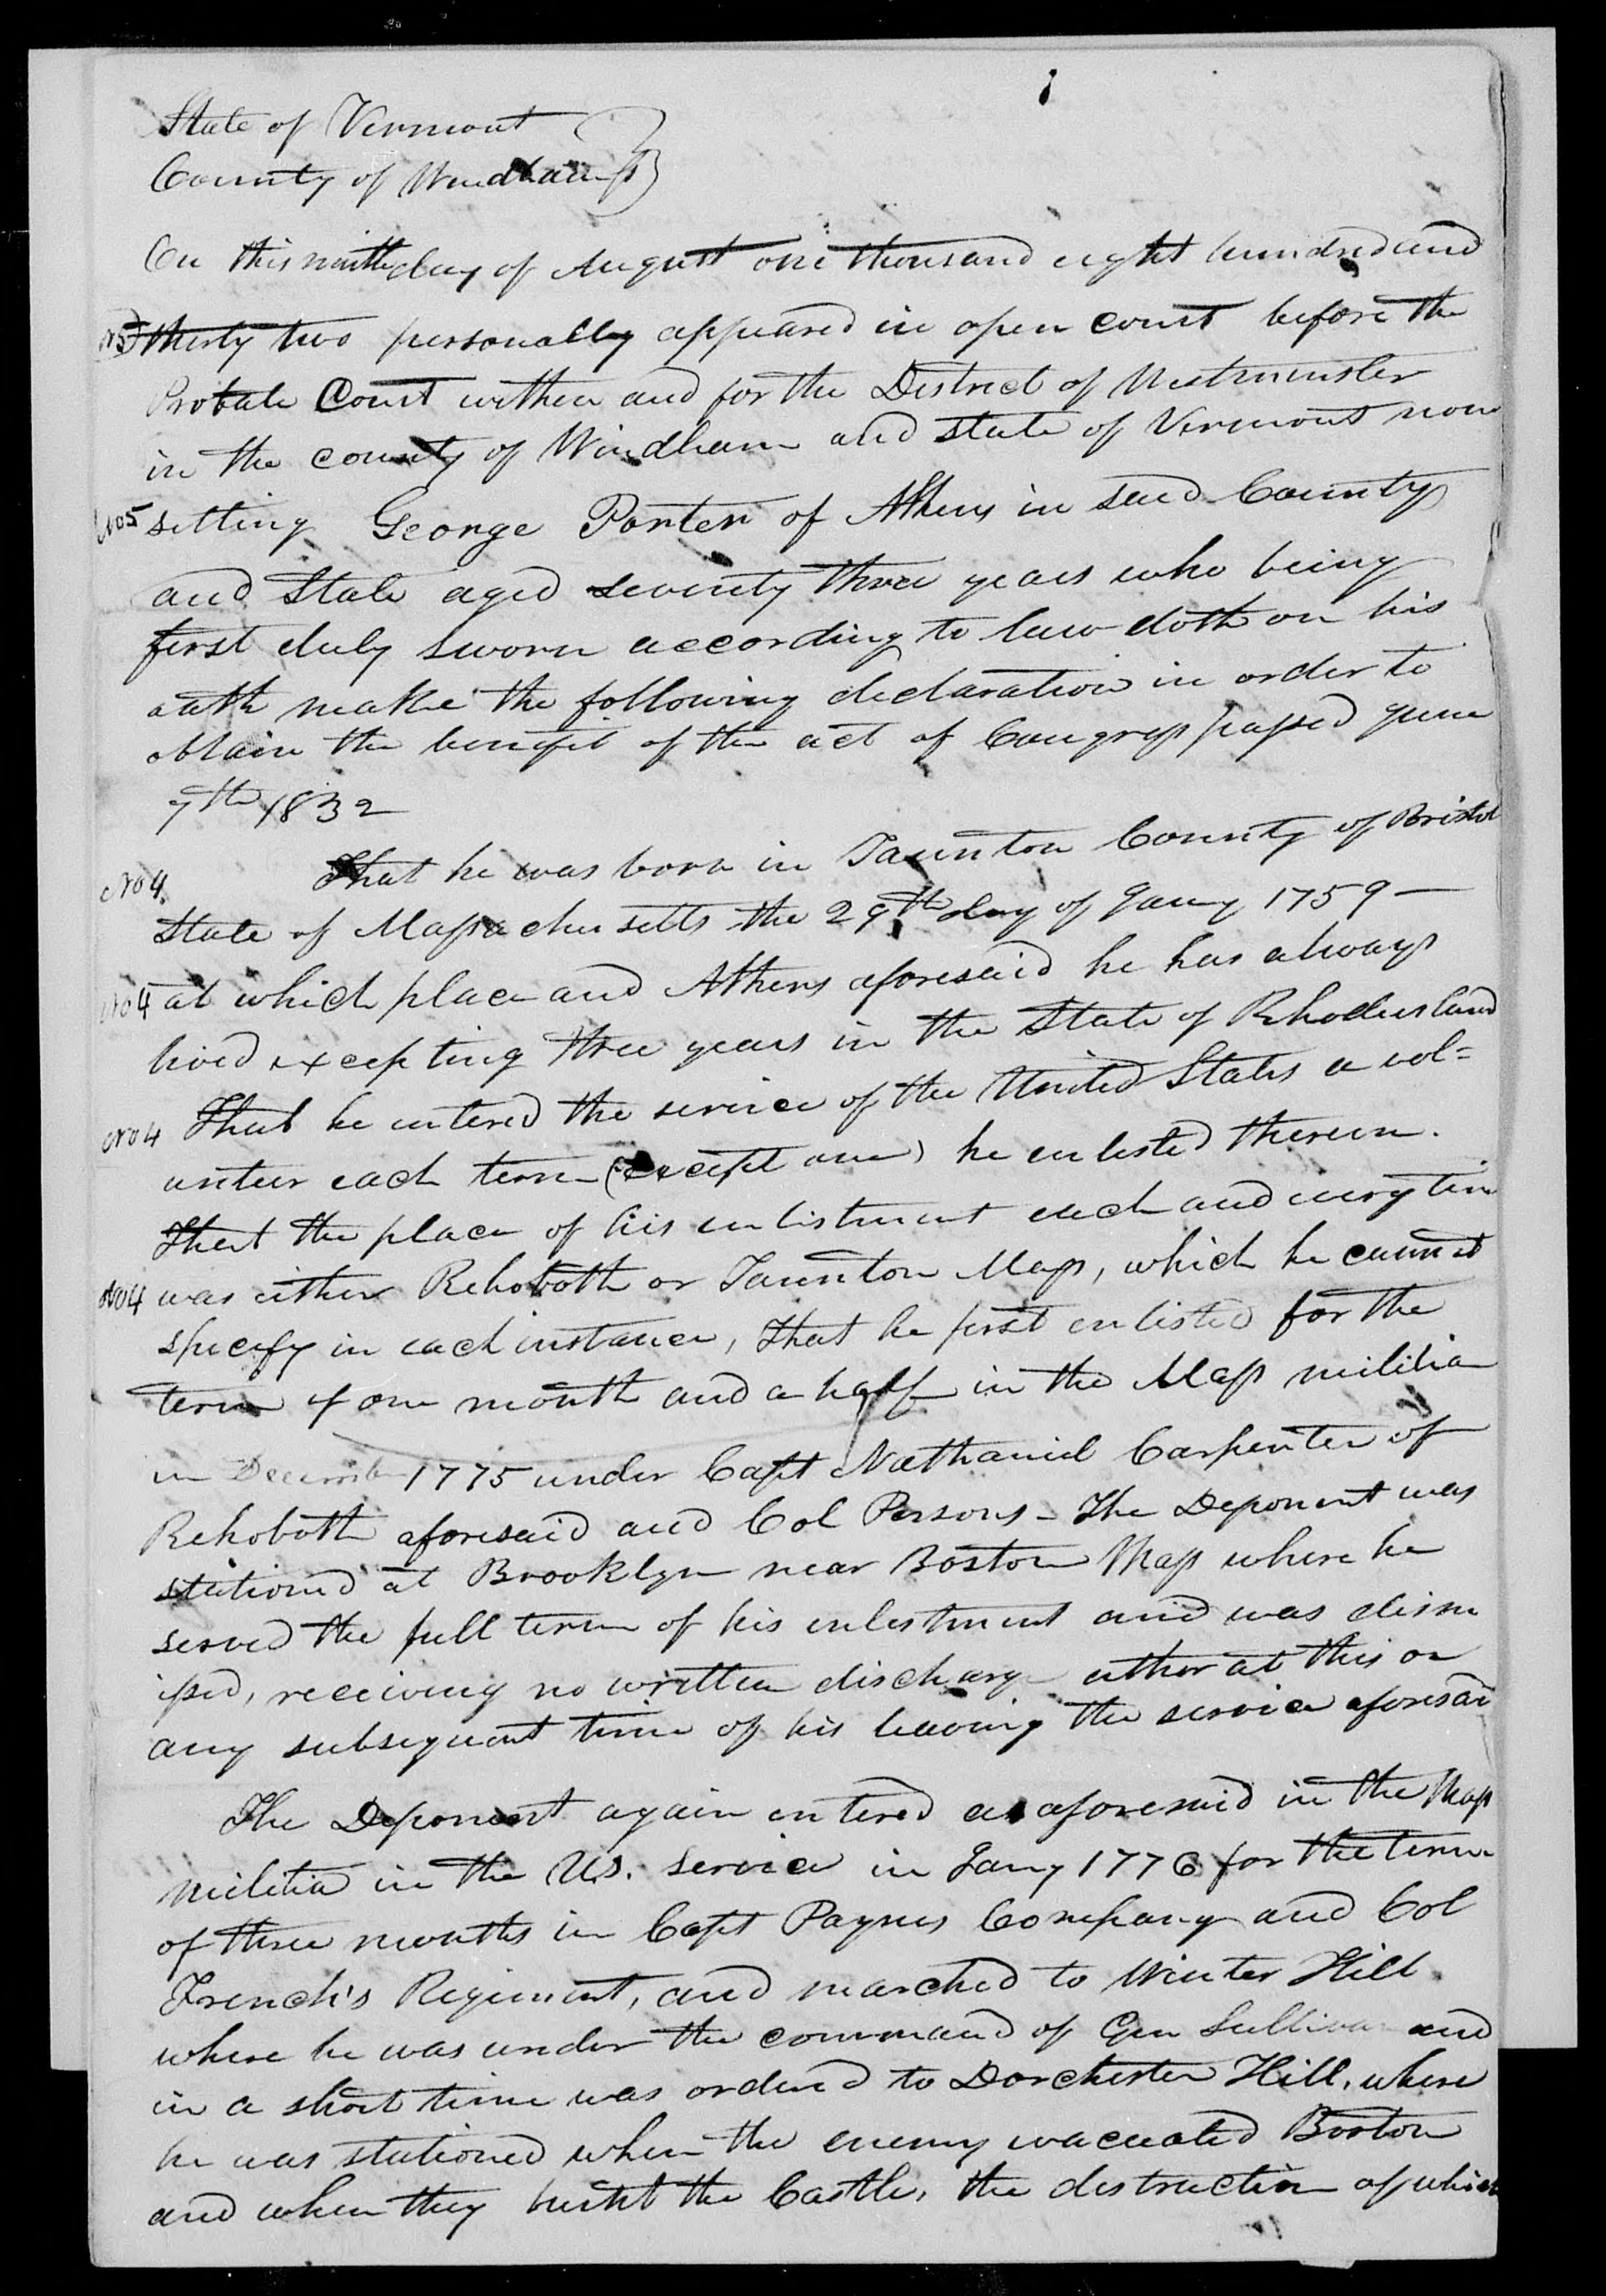State of Vermont
County of Windham ss
On this ninth day of August one thousand eight hundred and  No 5.  thirty two personally appeared in open court before the Probate Court within and for the District of Westminster in the County of Windham and State of Vermont now  No 5.  sitting George Porter of Athens in said County and State aged seventy three years who being first duly sworn according to law doth on his oath make the following declaration in order to obtain the benefit of the act of Congress passed June 7th 1832
No 4.  That he was born in Taunton County of Bristol State of Massachusetts the 29th day of Jany 1759,  No 4.  at which place and Athens aforesaid he has always lived excepting three years in the State of Rhodeisland
No 4.  That he entered the service of the United States a volunteer each term (except one) he enlisted therein. That the place of his enlistment each and every time was either  No 4.  Rehoboth or Taunton Mass, which he cannot specify in each instance, that he first enlisted for the term of one month and a half in the Mass militia in December 1775 under Capt Nathaniel Carpenter of Rehoboth aforesaid and Col Parsons. The Deponent was stationed at Brooklyn near Boston Mass where he served the full term of his enlistment and was dismissed, receiving no written discharge either at this or any subsequent time of his leaving the service aforesaid
The Deponent again entered as aforesaid in the Mass militia in the US service in Jany 1776 for the term of three months in Capt Paynes Company and Col French's Regiment, and marched to Winter Hill where he was under the command of Gen Sullivan and in a short time was ordered to Dorchester Hill, where he was stationed when the enemy evacuated Boston and when they burnt the Castle, the destruction of which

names: [BLANK] Sullivan; Nathaniel Carpenter; [BLANK] Parsons; George Porter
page: 3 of 49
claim: widow's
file: W. 2164, for George Porter, Massachusetts